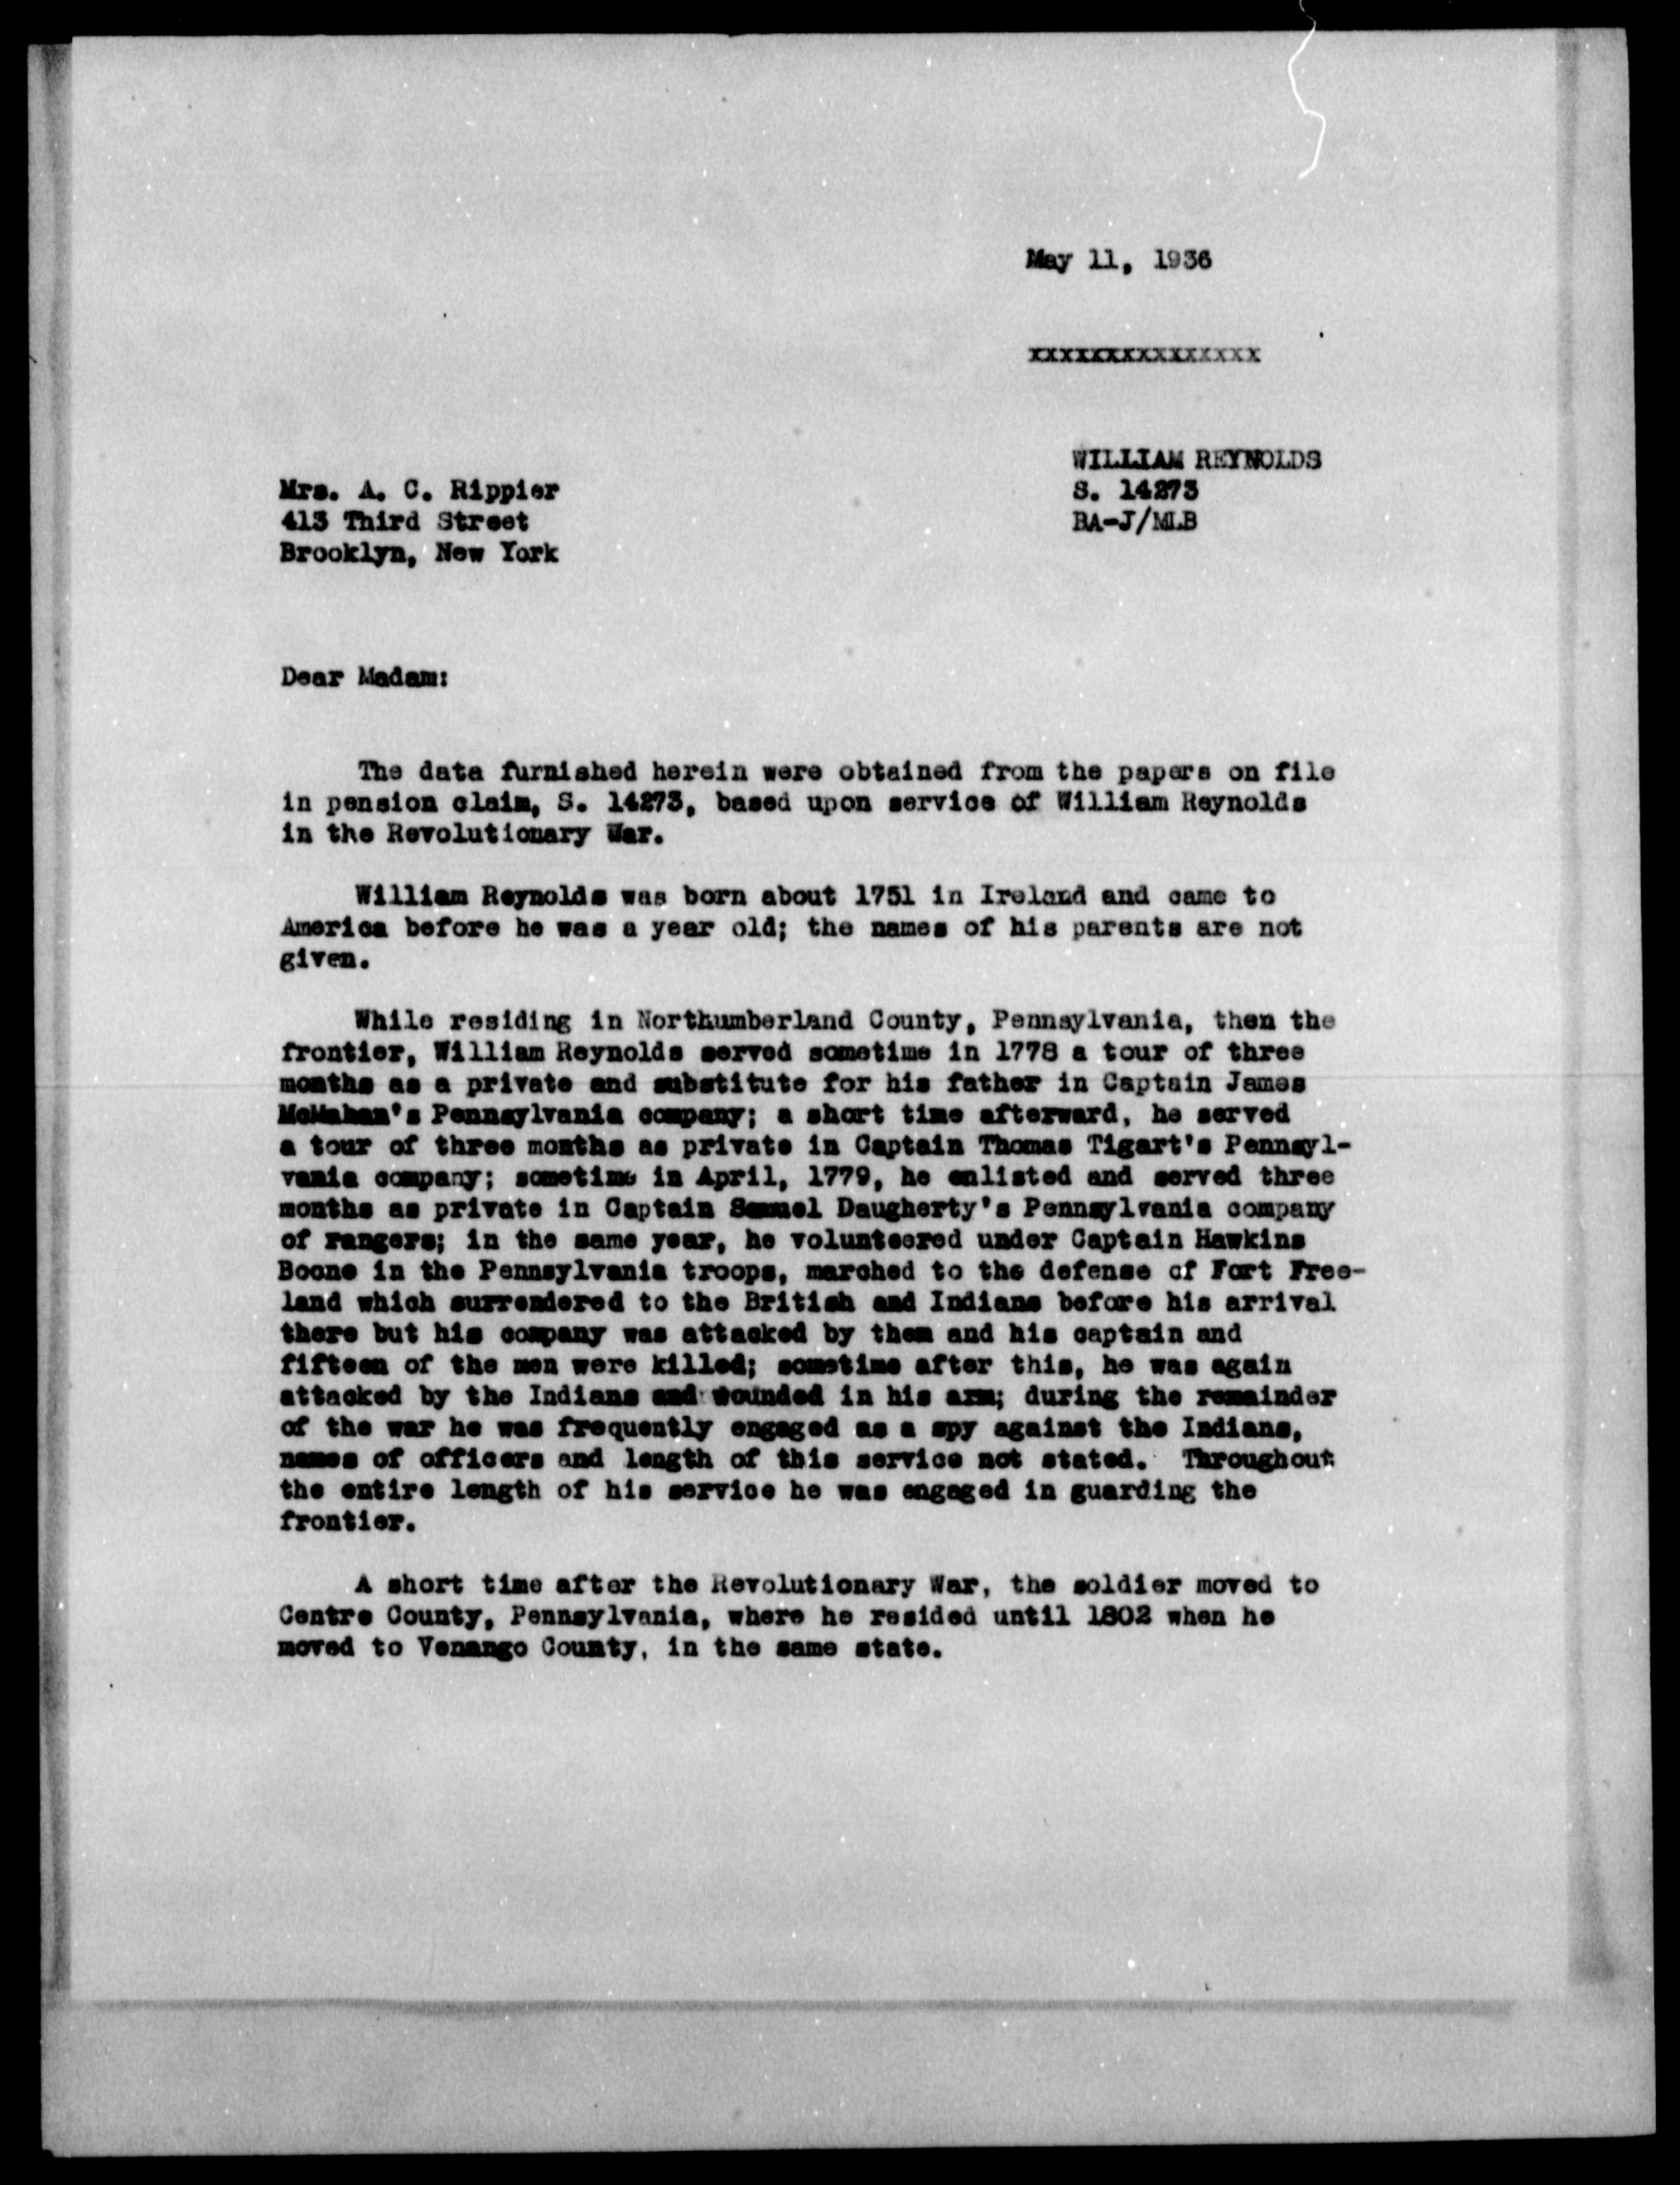May 11, 1936
XXXXXXXXXXXXXXX
Mrs. A. C. Rippier
415 Third Street
Brooklyn, New York
Dear Madam:

WILLIAM REYNOLDS
S. 14273
BA-J/MLB

Dear Madam:
The data furnished herein were obtained from the papers on file
in pension claim, S. 14273, based upon service of William Reynolds
in the Revolutionary War.
William Reynolds was born about 1751 in Ireland and came to
America before he was a year old; the names of his parents are not
given.
While residing in Northumberland County, Pennsylvania, then the
frontier, William Reynolds served sometime in 1778 a tour of three
months as a private and substitute for his father in Captain James
Mellahan's Pennsylvania company; a short time afterward, he served
a tour of three months as private in Captain Thomas Tigart's Pennsylvania
company; sometime in April, 1779, he enlisted and served three
months as private in Captain Samuel Daugherty's Pennsylvania company
of rangers in the same year, he volunteered under Captain Hawkins
Boone in the Pennsylvania troops, marched to the defense of Fort Freeland
 which surrendered to the British and Indians before his arrival
there but his company was attacked by them and his captain and
fifteen of the men were killed; sometime after this, he was again
attacked by the Indians and wounded in his army; during the remainder
of the war he was frequently engaged as a spy against the Indians,
names of officers and length of this service not stated. Throughout
the entire length of his service he was engaged in guarding the
frontier.
A short time after the Revolutionary War, the soldier moved to
Centre County, Pennsylvania, where he resided until 1802 when he
moved to Venango County, in the same state.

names: Hawkins Boone; William Reynolds; A C Rippier; William Reynolds; William Reynolds; William Reynolds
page: 9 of 19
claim: survivor's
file: S. 14,273, for William Reynolds, Pennsylvania